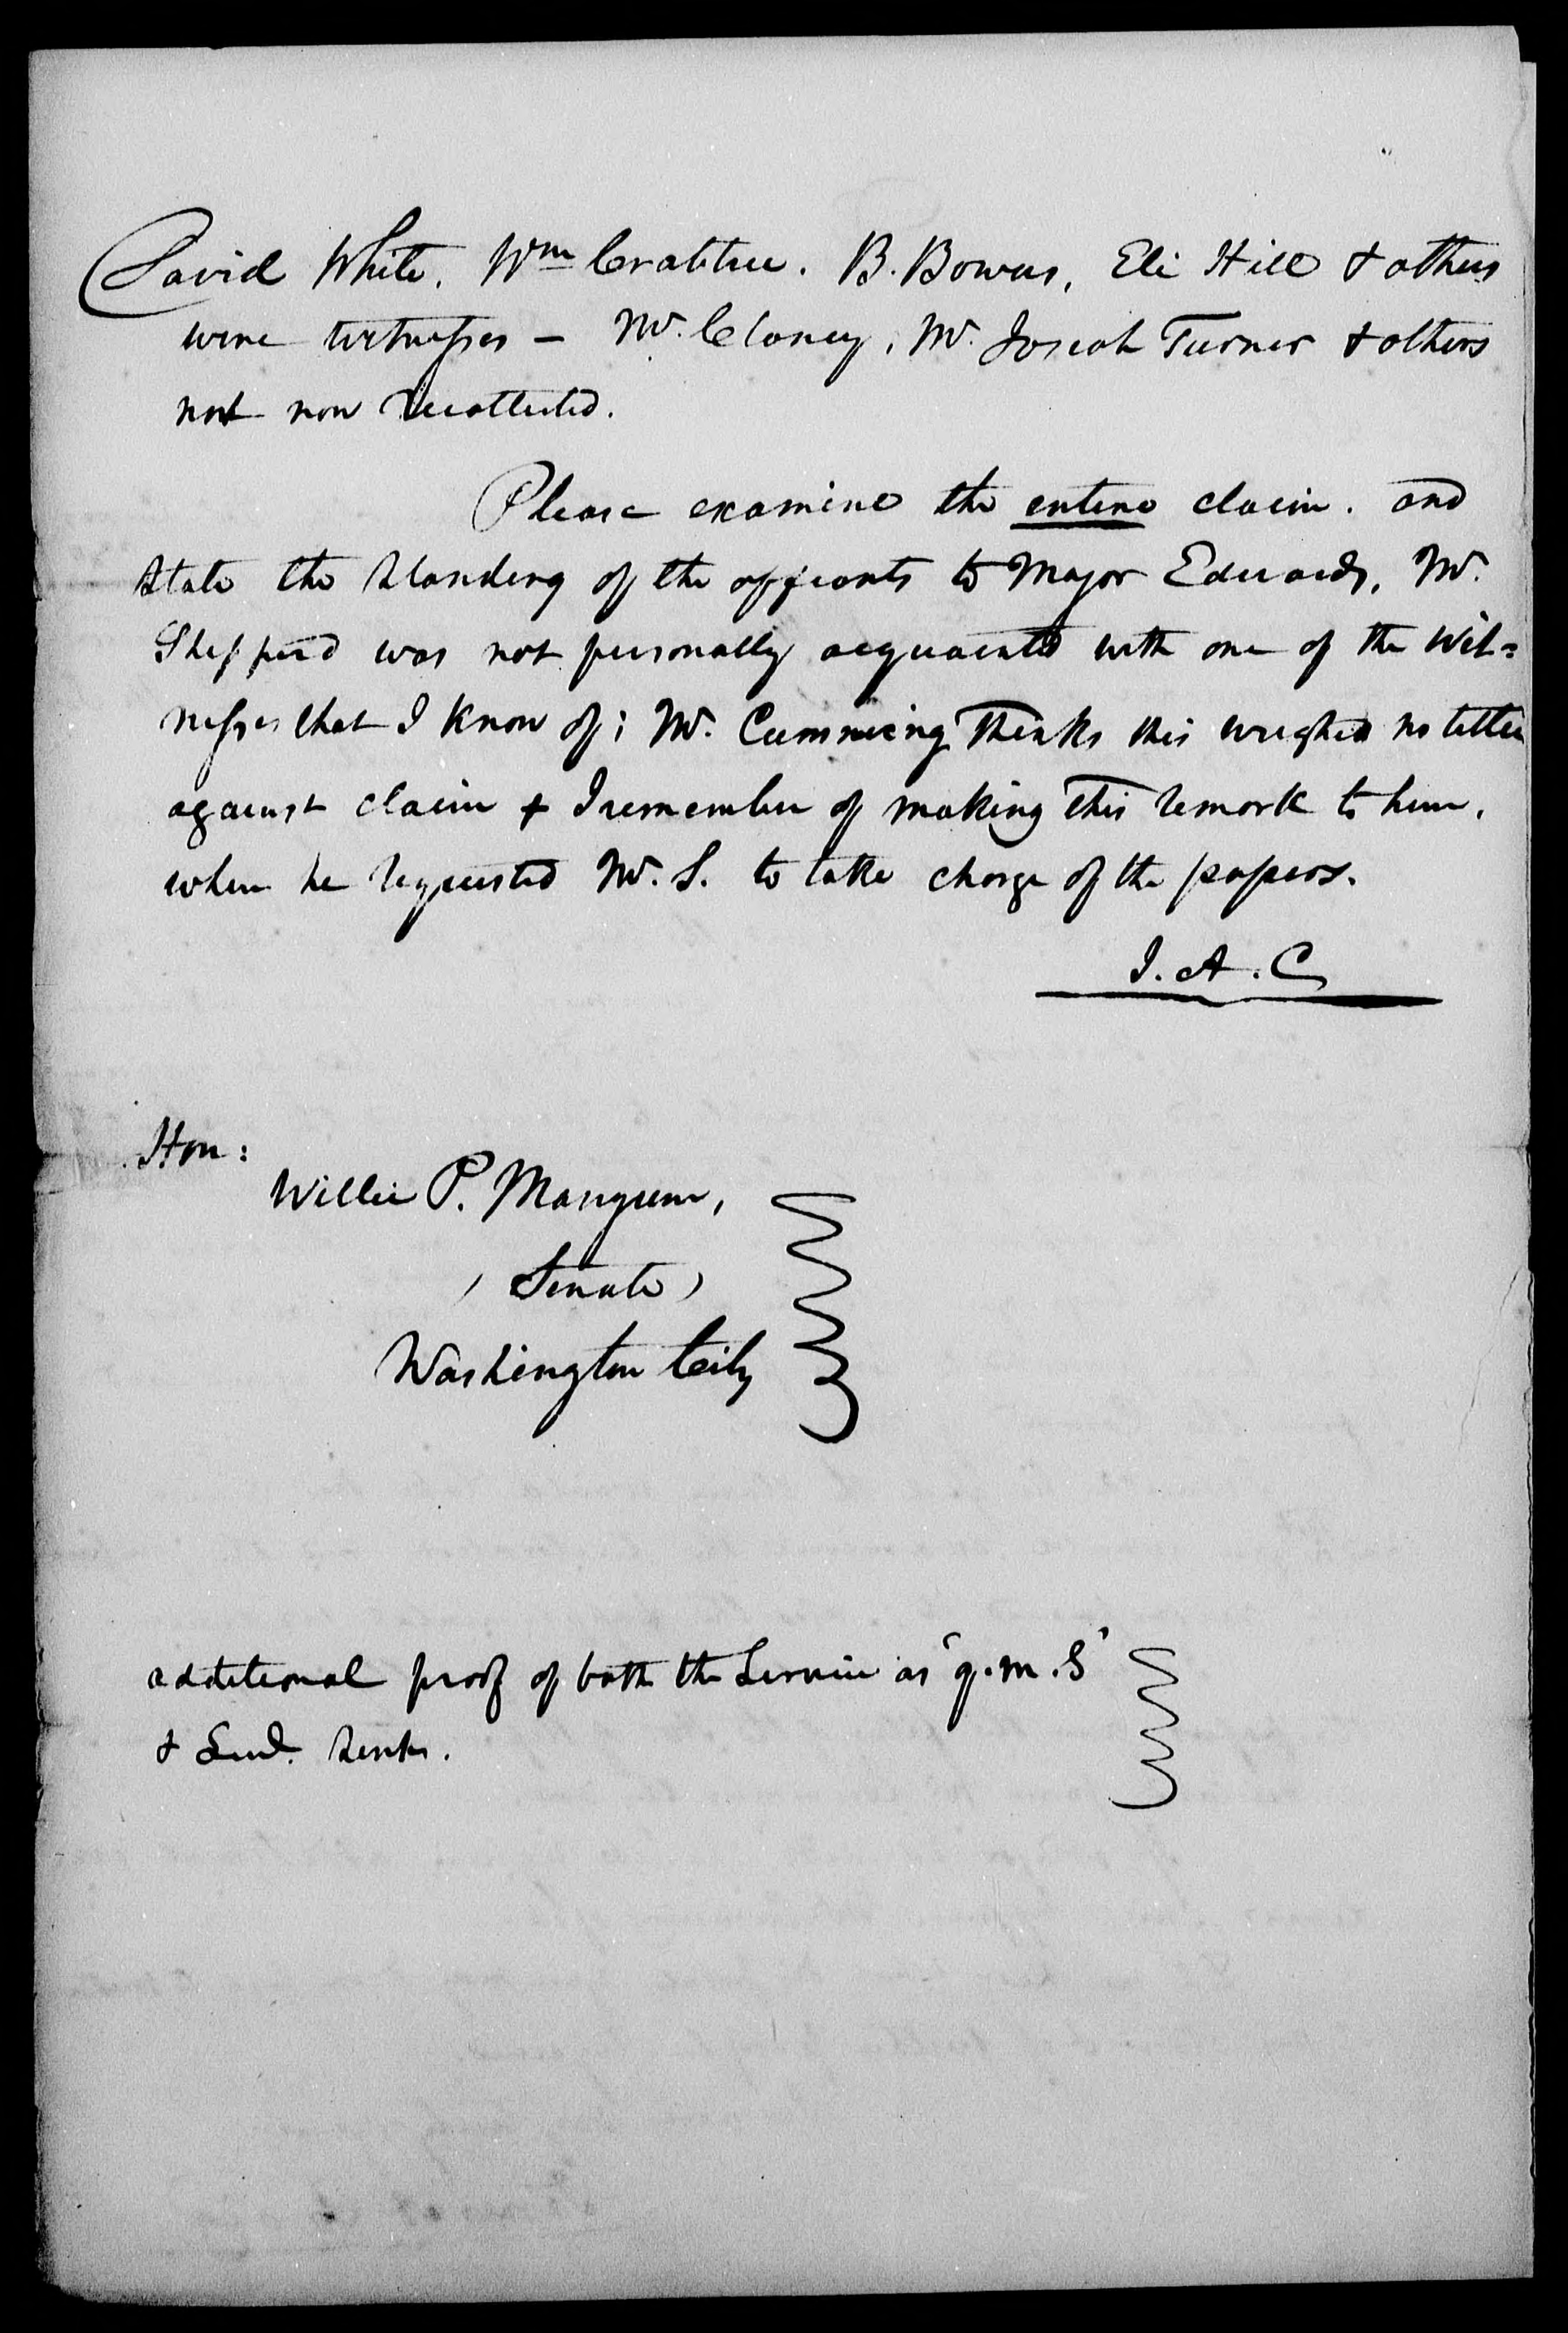[Handwritten record.]

David White. Wm Crabtree. B. Bowers, Eli Hill and others were witnesses - Mr. Clancy, [or Cloney], Mr. Josiah [or Jonah] Turner and others not now Recollected.

Please examine the [here the following word is underlined:] entire claim. and State the Standing of the affiants to Major Edwards.  Mr. Shepperd was not personally acquainted with one of the Witnesses that I know of; Mr. Cumming thinks this [?] weighed no better against claim [here is a small x]  I remember of making this Remark to him, when he Requested Mr. S. [apparently Mr. Shepperd] to take charge of the papers.
[Signature as initials, underlined:]
J.A.C. [probably meaning James A. Craig] 


Hon:  Willie P. Mangum)
(Senate))
Washington City)

additional proof of both the Service as 'q.m.S') [Quarter Master Sergeant])
and [?] Liut [possibly meaning Lieutenant] Sent.)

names: S, Shepperd, Cloney, Edwards, Josiah Turner, Eli Hill, Willie P Mangum, David White, Wm Crabtree, B Bowers, Cumming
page: 110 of 145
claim: survivor's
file: S. 8265, William Cumming, N.C.